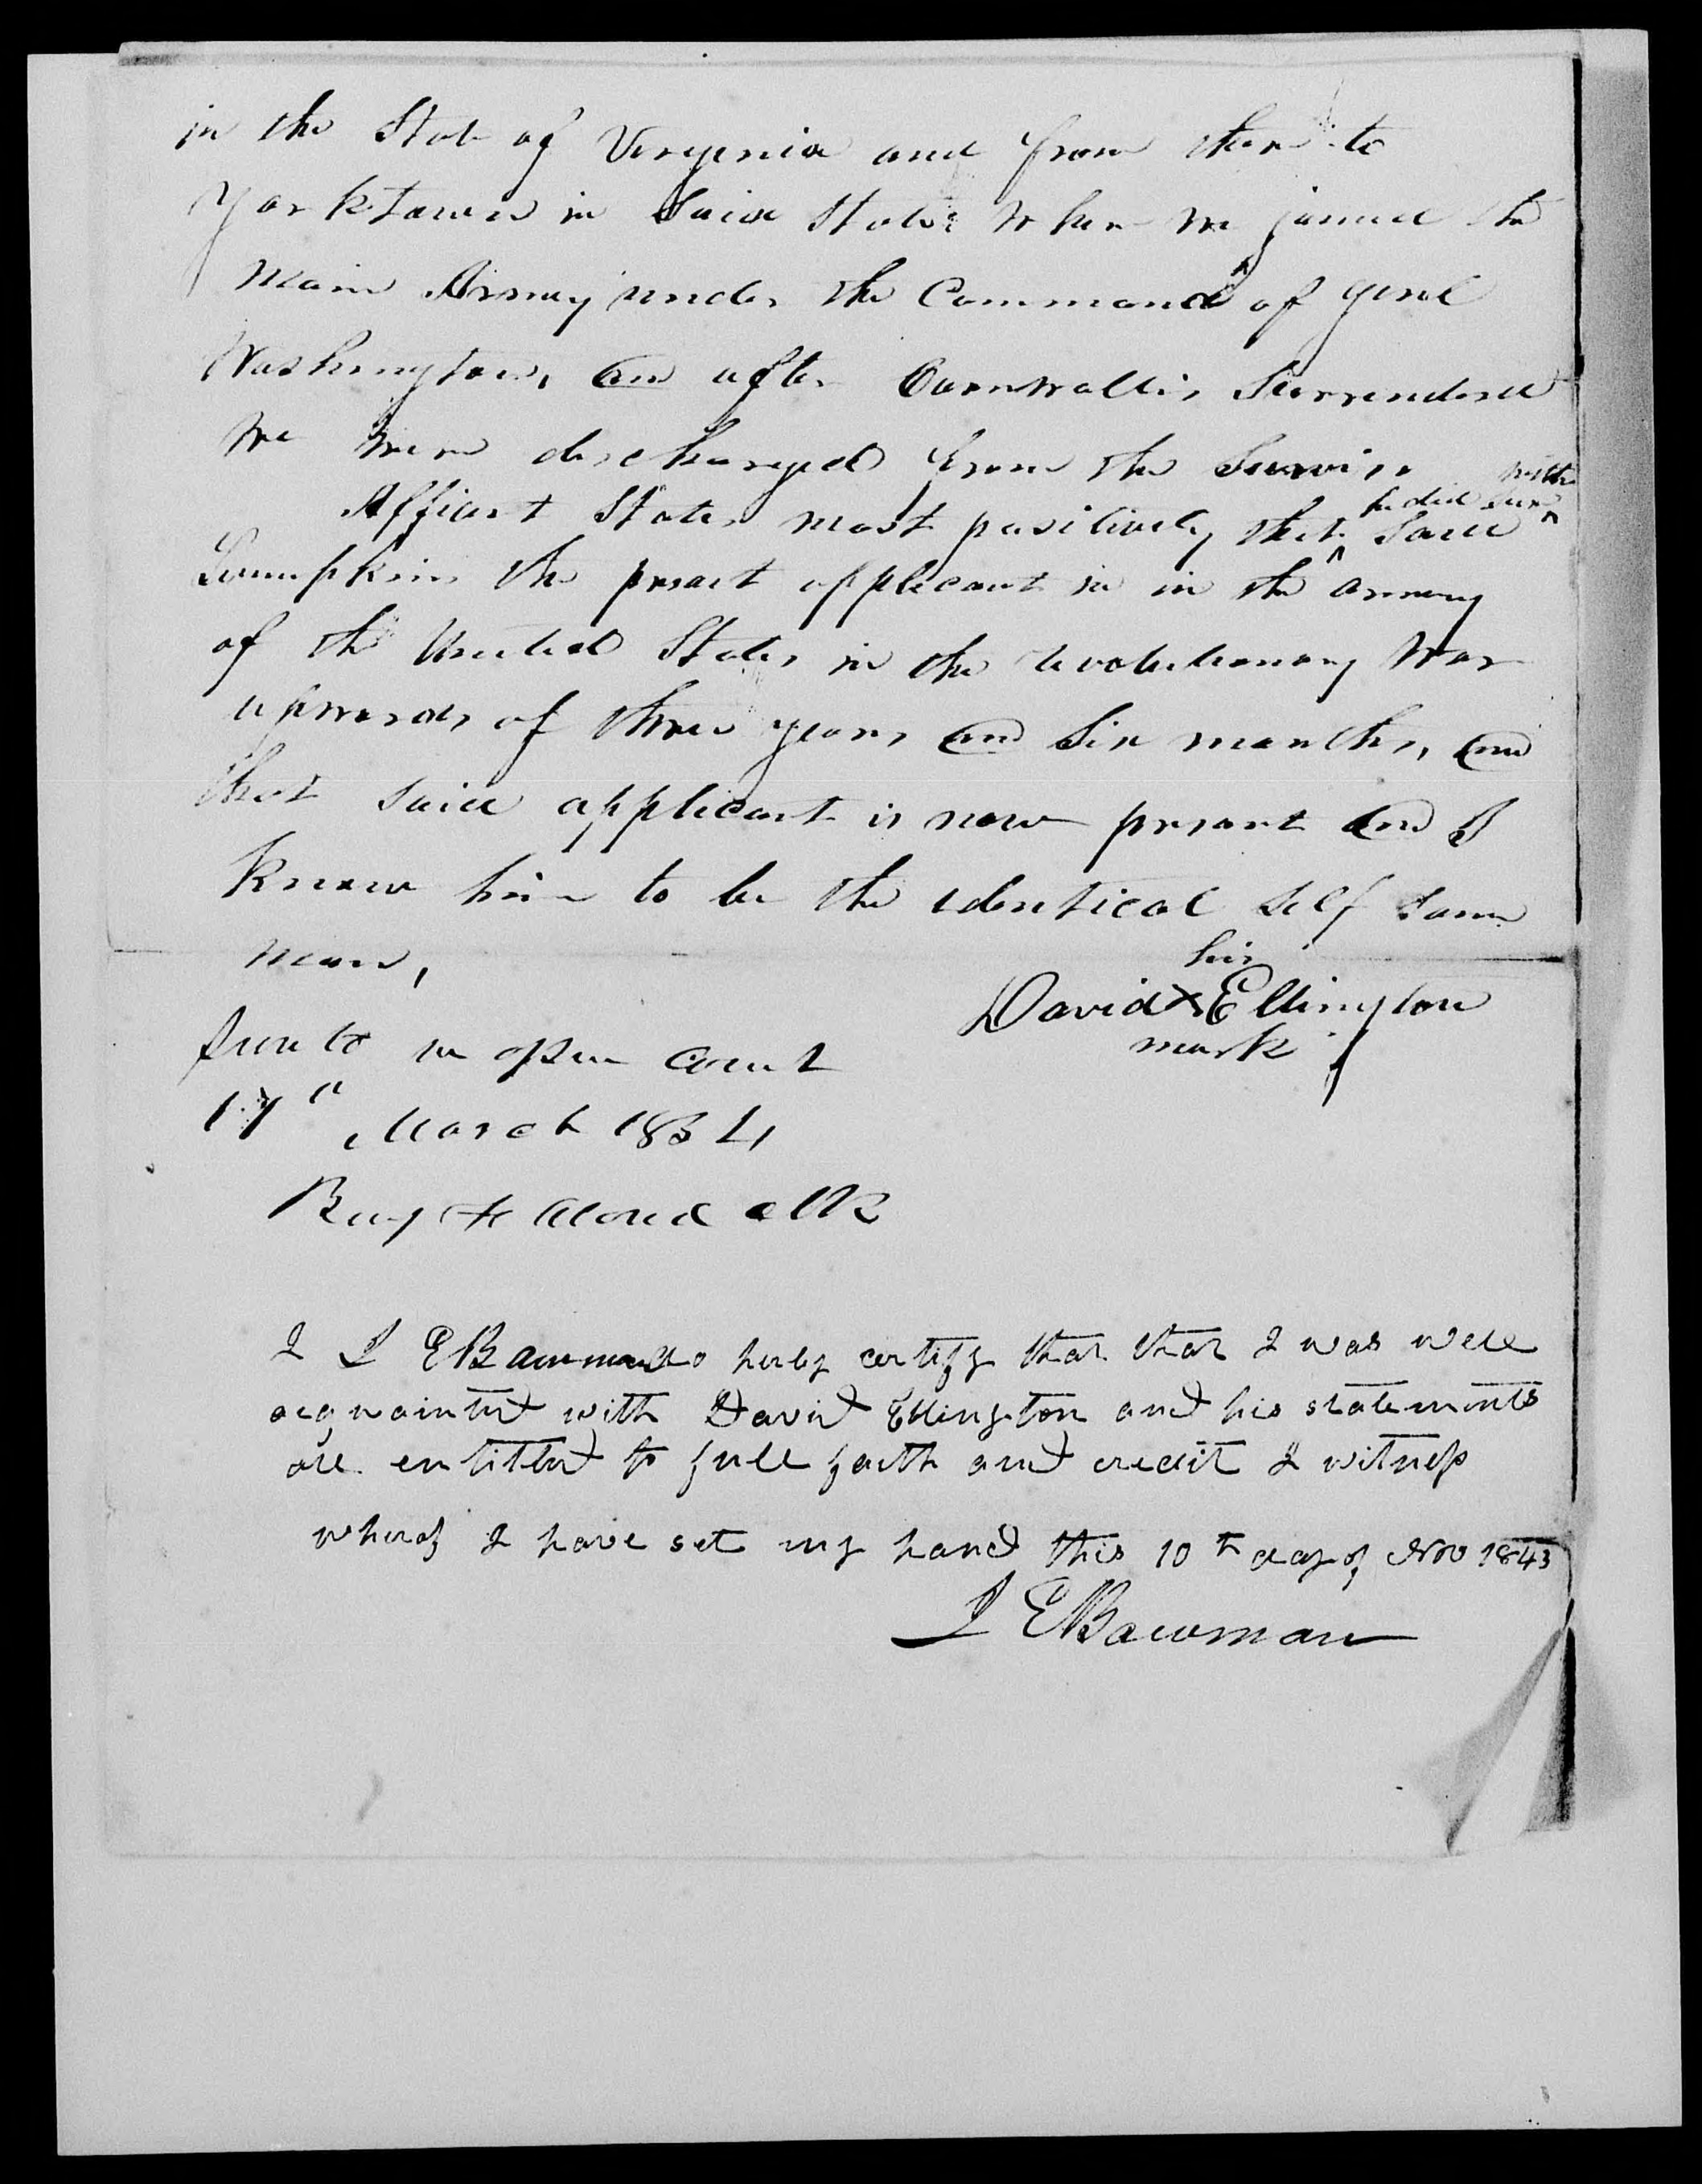(Handwritten document)

in the State of Virginia and from there to
Yorktown in said State where we found the
main Army under the command of Genl
Washington, and after Cornwallis surrendered
We were discharged from the service.

Affiant stated most positively that (inserted: he did see) same Lumpkins the present applicant in in the army of the United States in the revolutionary War upwards of three years and six months, and that said applicant is now present and I know him to be the identical self same man,

David his X mark Ellington

Sworn in open court 17th March 1834

Benj H Alored clk

I J E Bowman herby certify that that I was well acquainted with David Ellington and his statements are entitled to full faith and credit & witness

whereof I have set my hand this 10th day of Nov 1845
J E Bowman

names: Benj F Alored; [BLANK] Cornwallis; [BLANK] Washington; [BLANK] Lumpkins; J E Bawman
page: 37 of 37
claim: rejected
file: R. 6521, for Dickeson Lumpkin, Pennsylvania